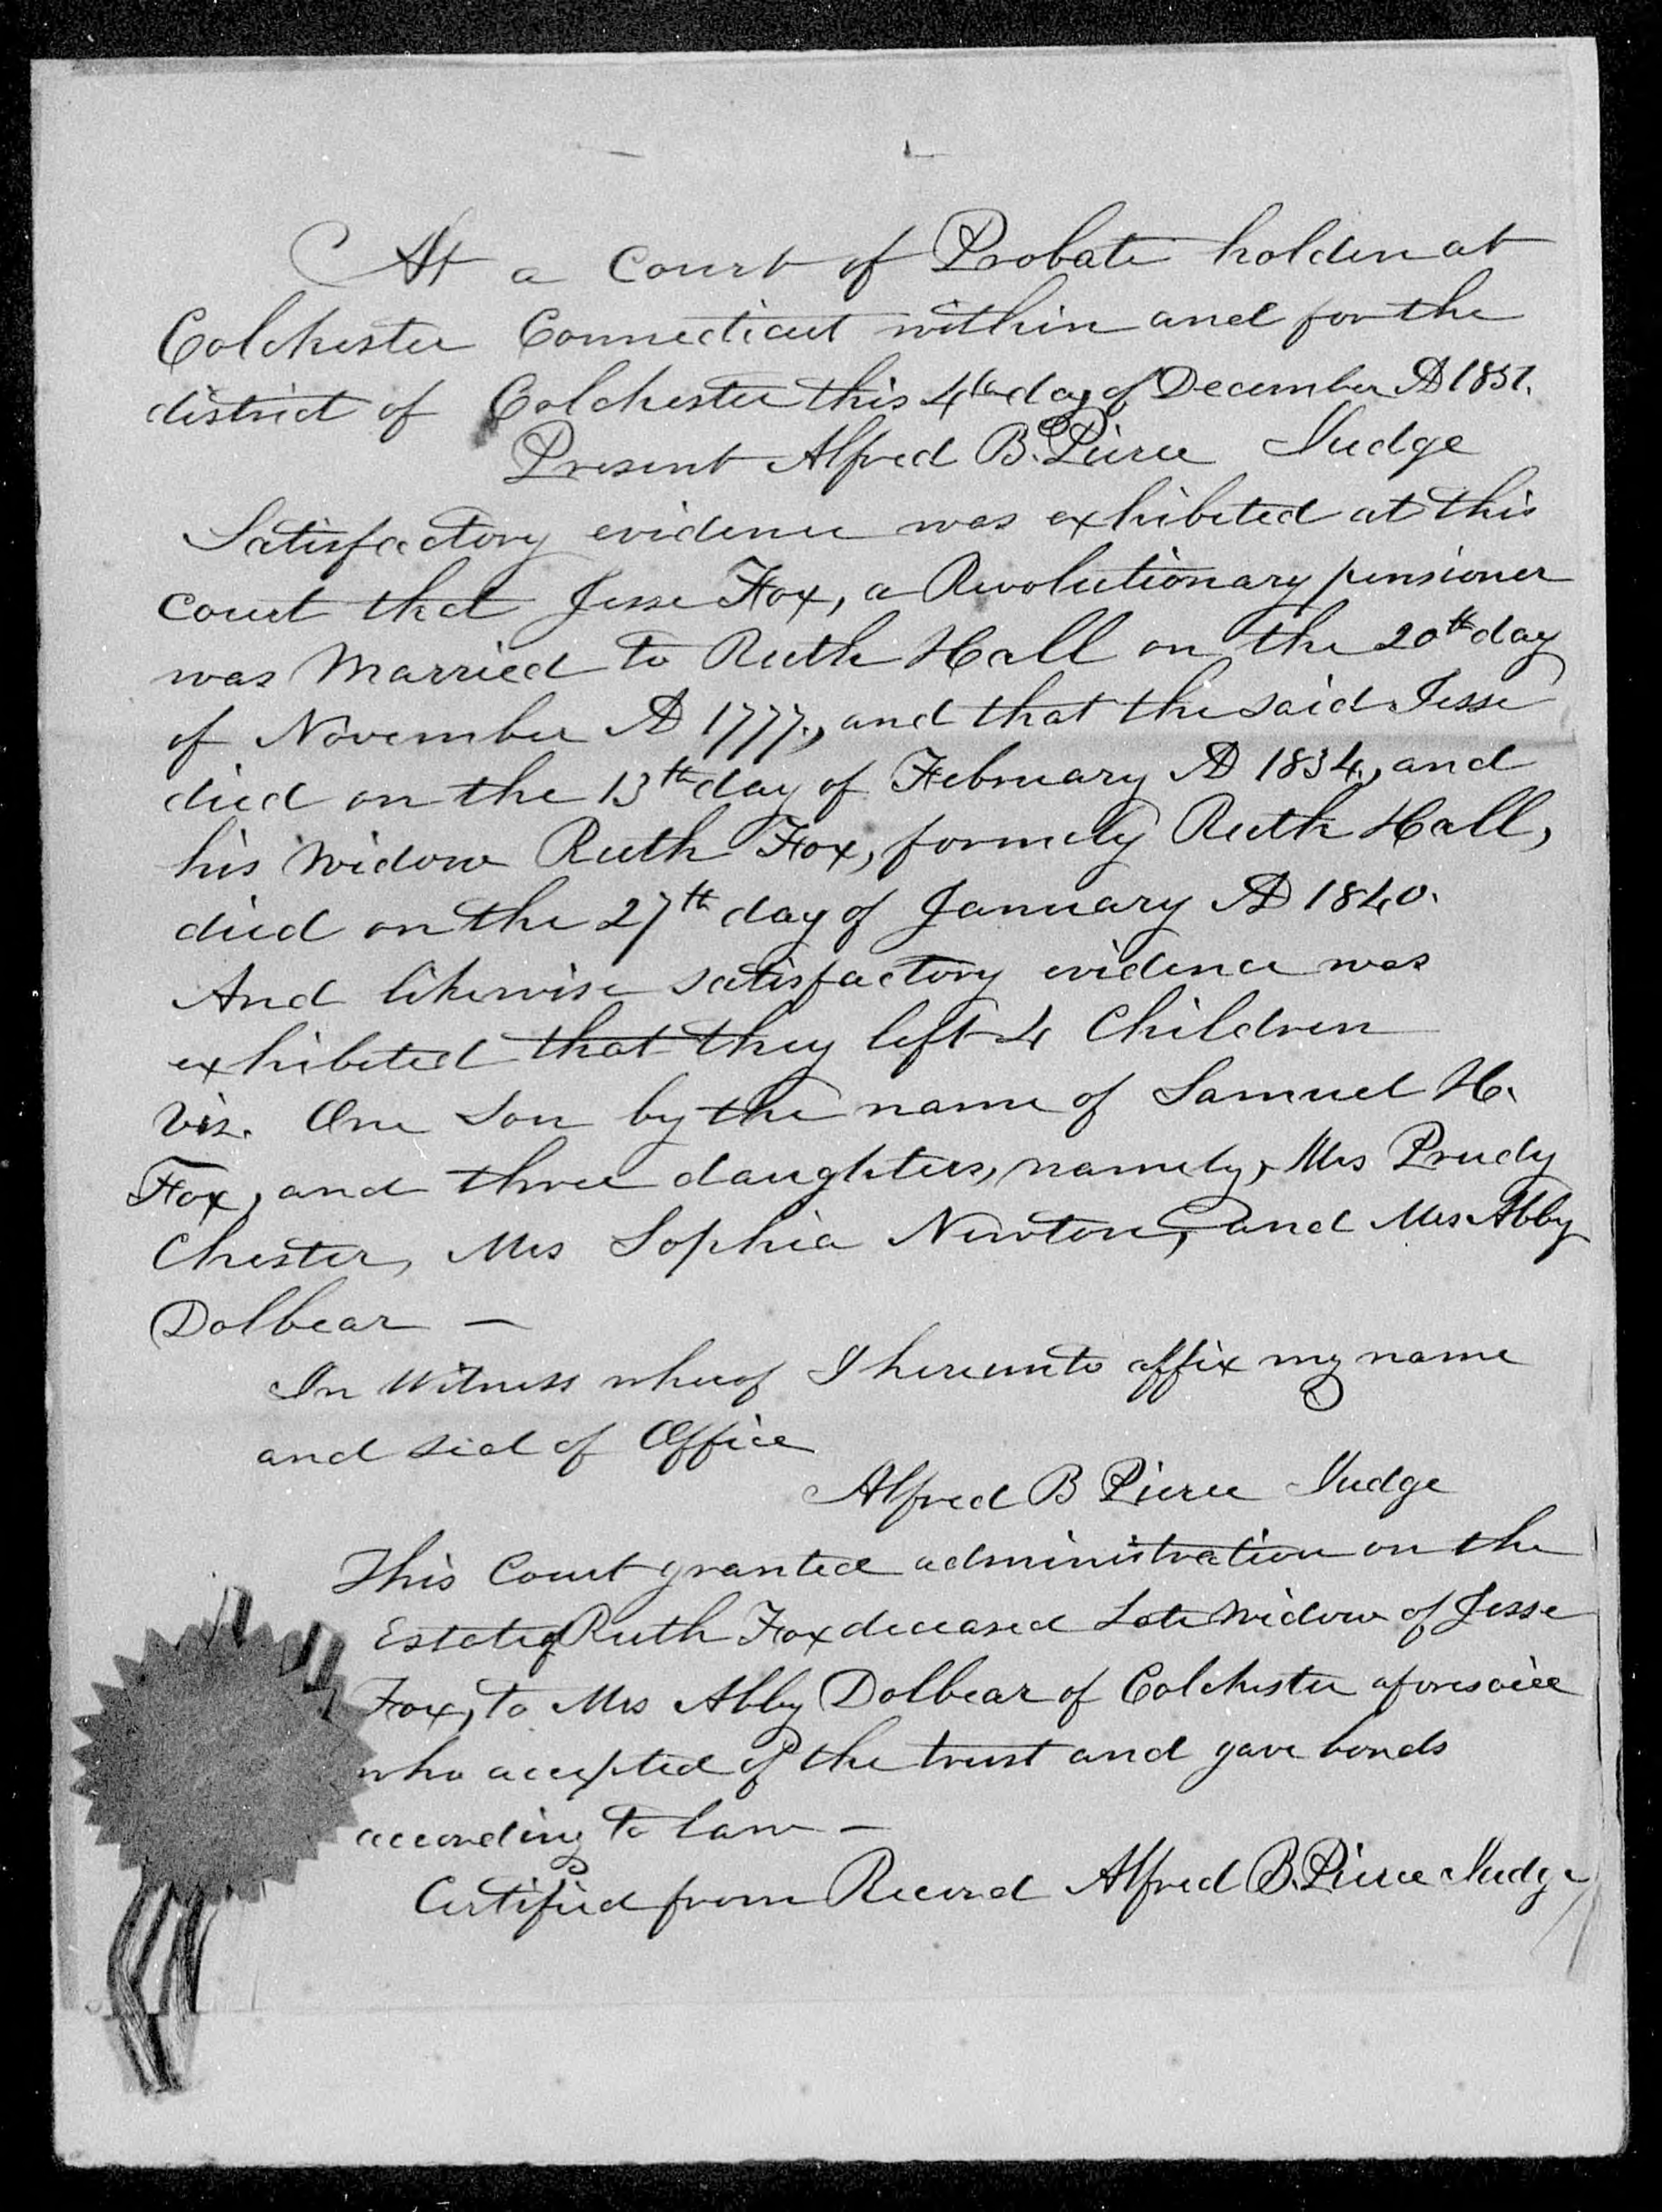At a Court of Probate holden at Colchester Connecticut within and for the district of Colchester this 4th day of December AD 1857.
Present Alfred B. Pierce Judge 
Satisfactory evidence was exhibited at this court that Jesse Fox, a Revolutionary pensioner was married to Ruth Hall in the 20th day of November AD 1777, and that the said Jesse died on the 13th day of February AD 1834, and his widow Ruth Fox, formerly Ruth Hall, died in the 27th day of January AD 1840. And likewise satisfactory evidence was exhibited that they left 4 children viz. a son by the name of Samuel H Fox, and three daughters, namely, Mrs. Prudy Chester, Mrs. Sophia Newton, and Mrs. Abby Dolbear.
In witness whereof I have hereunto affix my name and seal of office.

Alfred B Pierce Judge

This Court granted administration on the estate of Ruth Fox deceased late widow of Jesse Fox, to Mrs. Abby Dolbear of Colchester aforesaid who accepted of the trust and gave bonds according to law.
Certified from Record Alfred B Pierce Judge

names: Ruth Hall, Alfred B Pierce, Ruth Fox, Prudy Chester, Samuel H Fox, Sophia Newton, Ruth Hall, Jesse Fox, Jesse Fox, Alfred B Pierce, Ruth Fox, Abby Dolbear, Abby Dolbear, Alfred B Pierce, Jesse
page: 40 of 53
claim: rejected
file: R. 3732, Jesse Fox, Conn.